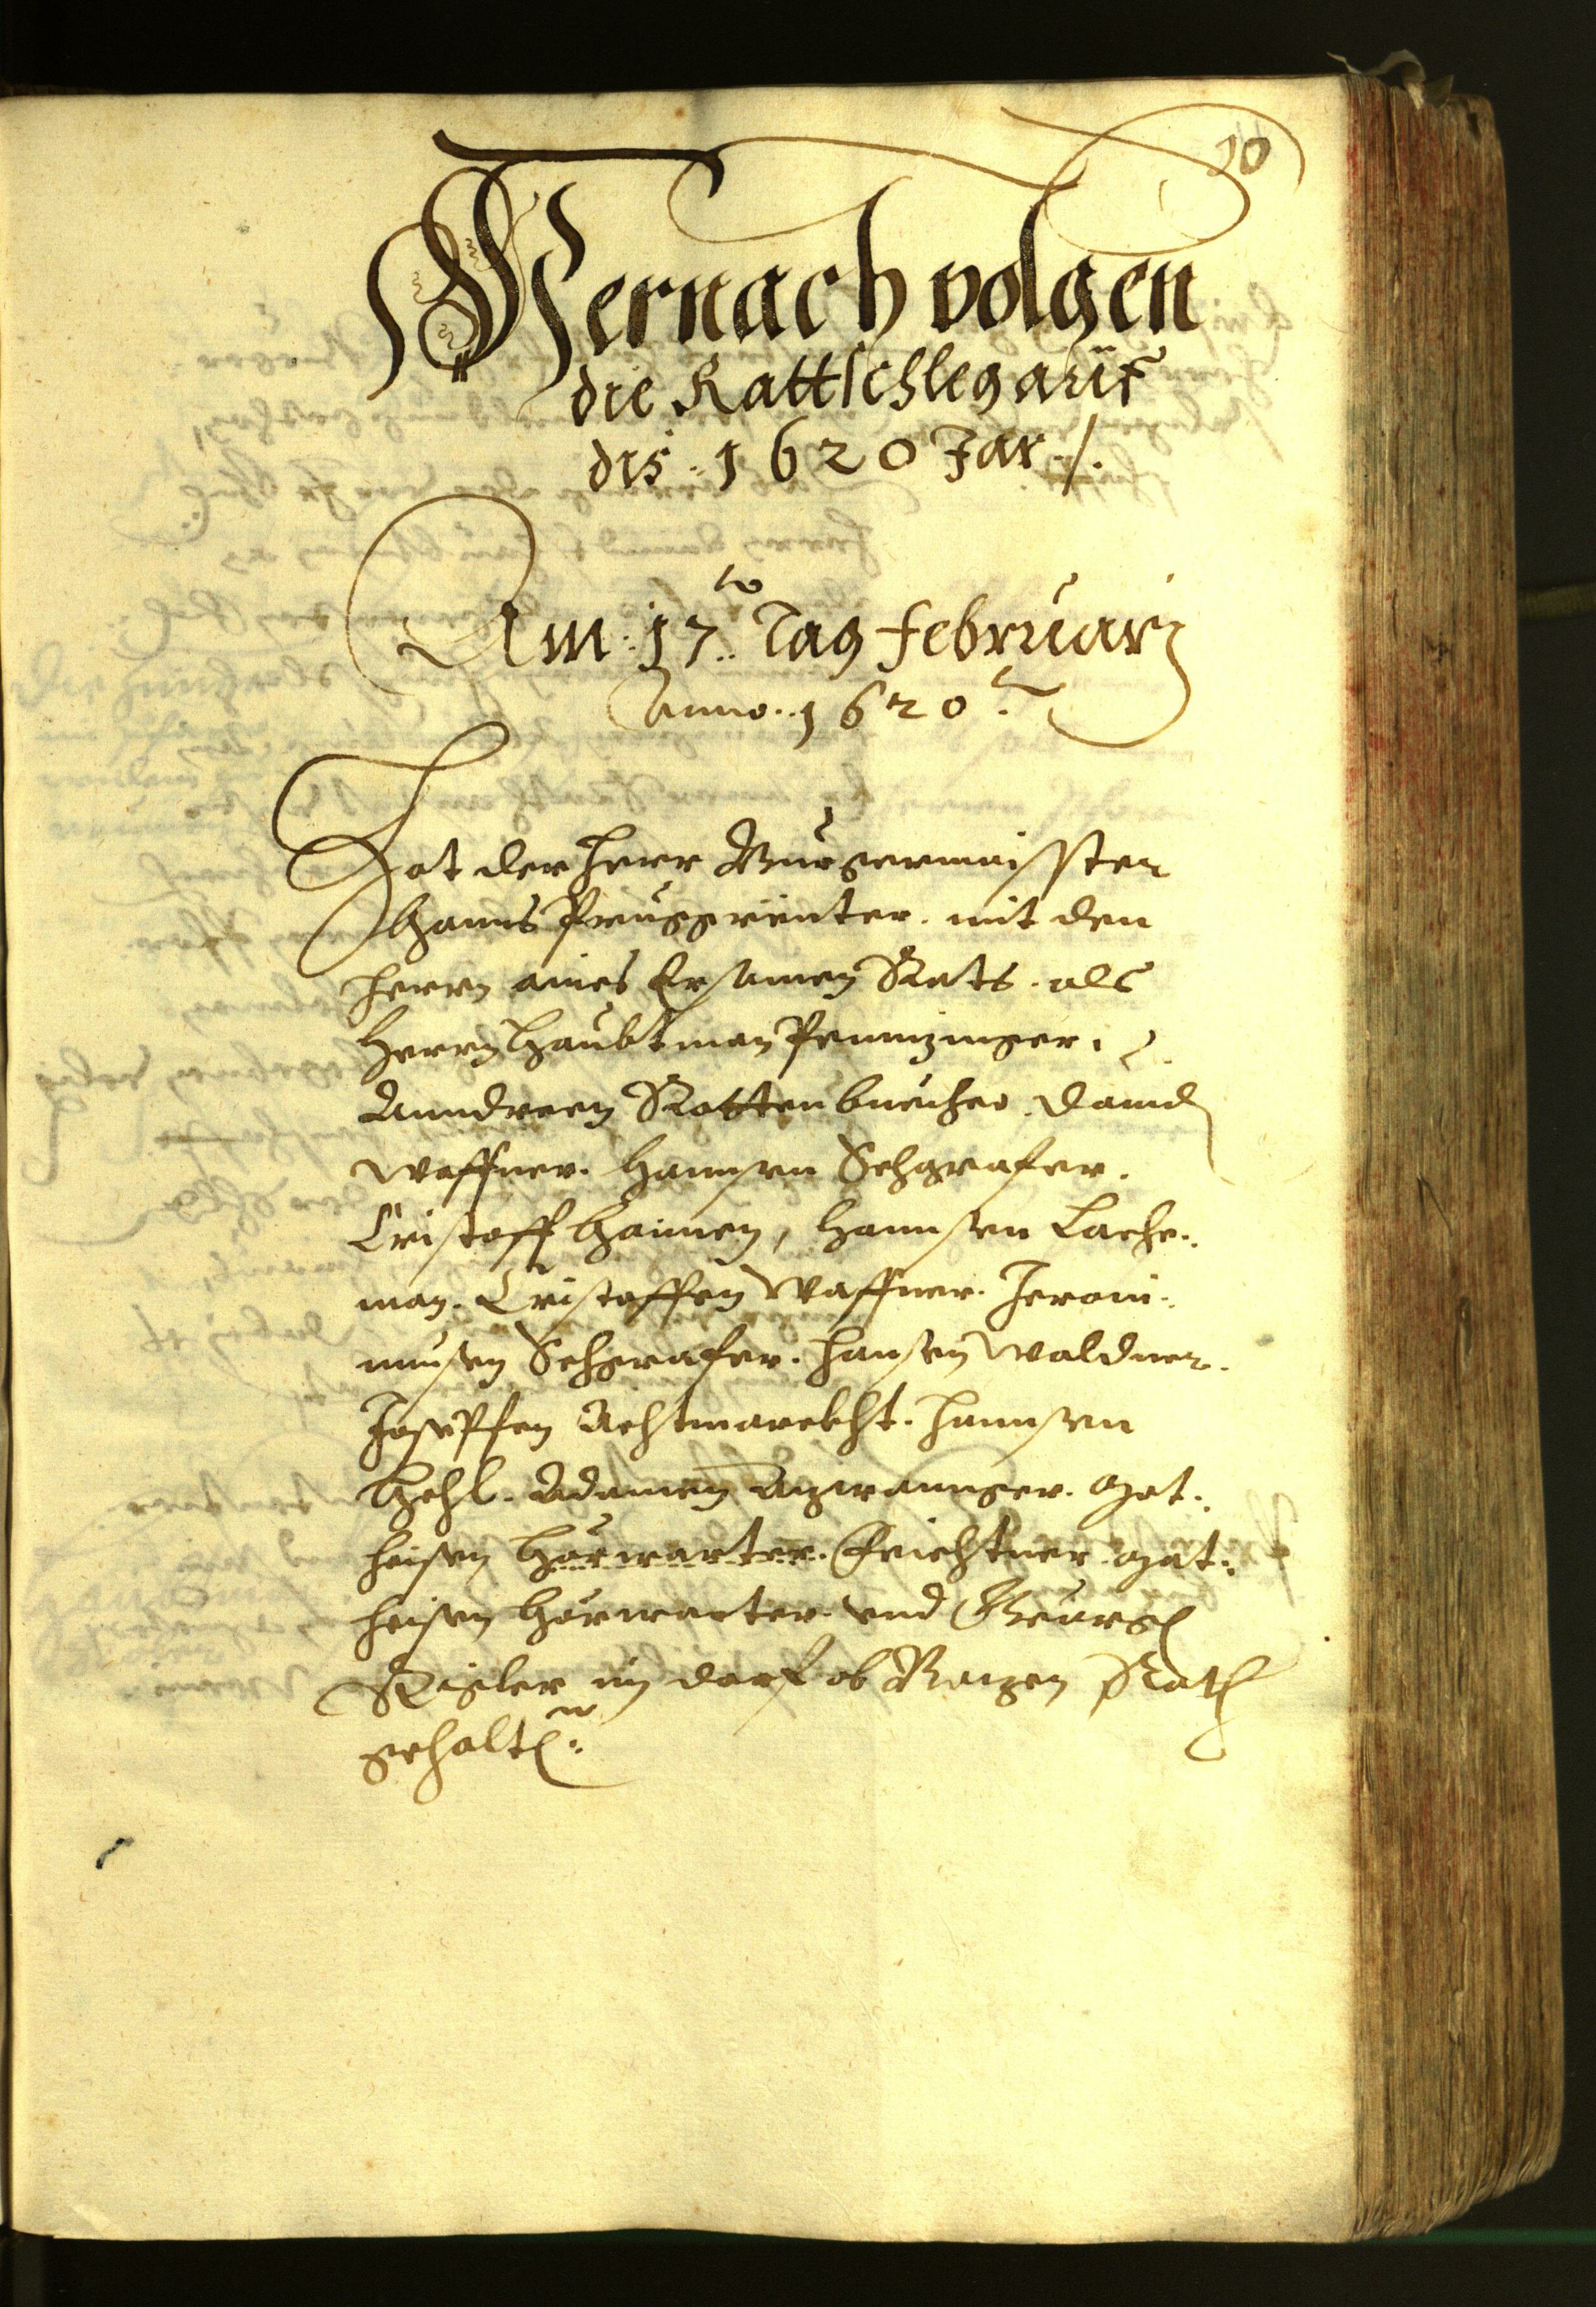Hernach volgen
die Rattschleg aüf
dis: 1620 Jar./.
10
Am: 17t.. Tag Febrūarj
Anno: 1620t.
Hat der herr Būrgermaisster
Hanns Prūggreüter. mit den
herrn aines Ersamen Rats. als
Herrn Haūbtman Pennzinger,
Anndreen Rottenbūecher. Daūid
Waffner. Hannsen Schgrafer.
Cristoff Haimen, Hannsen Lache¬
man. Cristoffen Waffner. Jeroni¬
mūsen Schgrafer. hansen Waldner.
JosePfen Achtmarckht. hannsen
Hehl. Adamen Atzwannger. Mat¬
heisen Hōrwarter. Feichtner. Mat¬
heisen Hōrwarter. vnd Geōrg
Rigler im dorf ob Bozen Rath
gehalt: